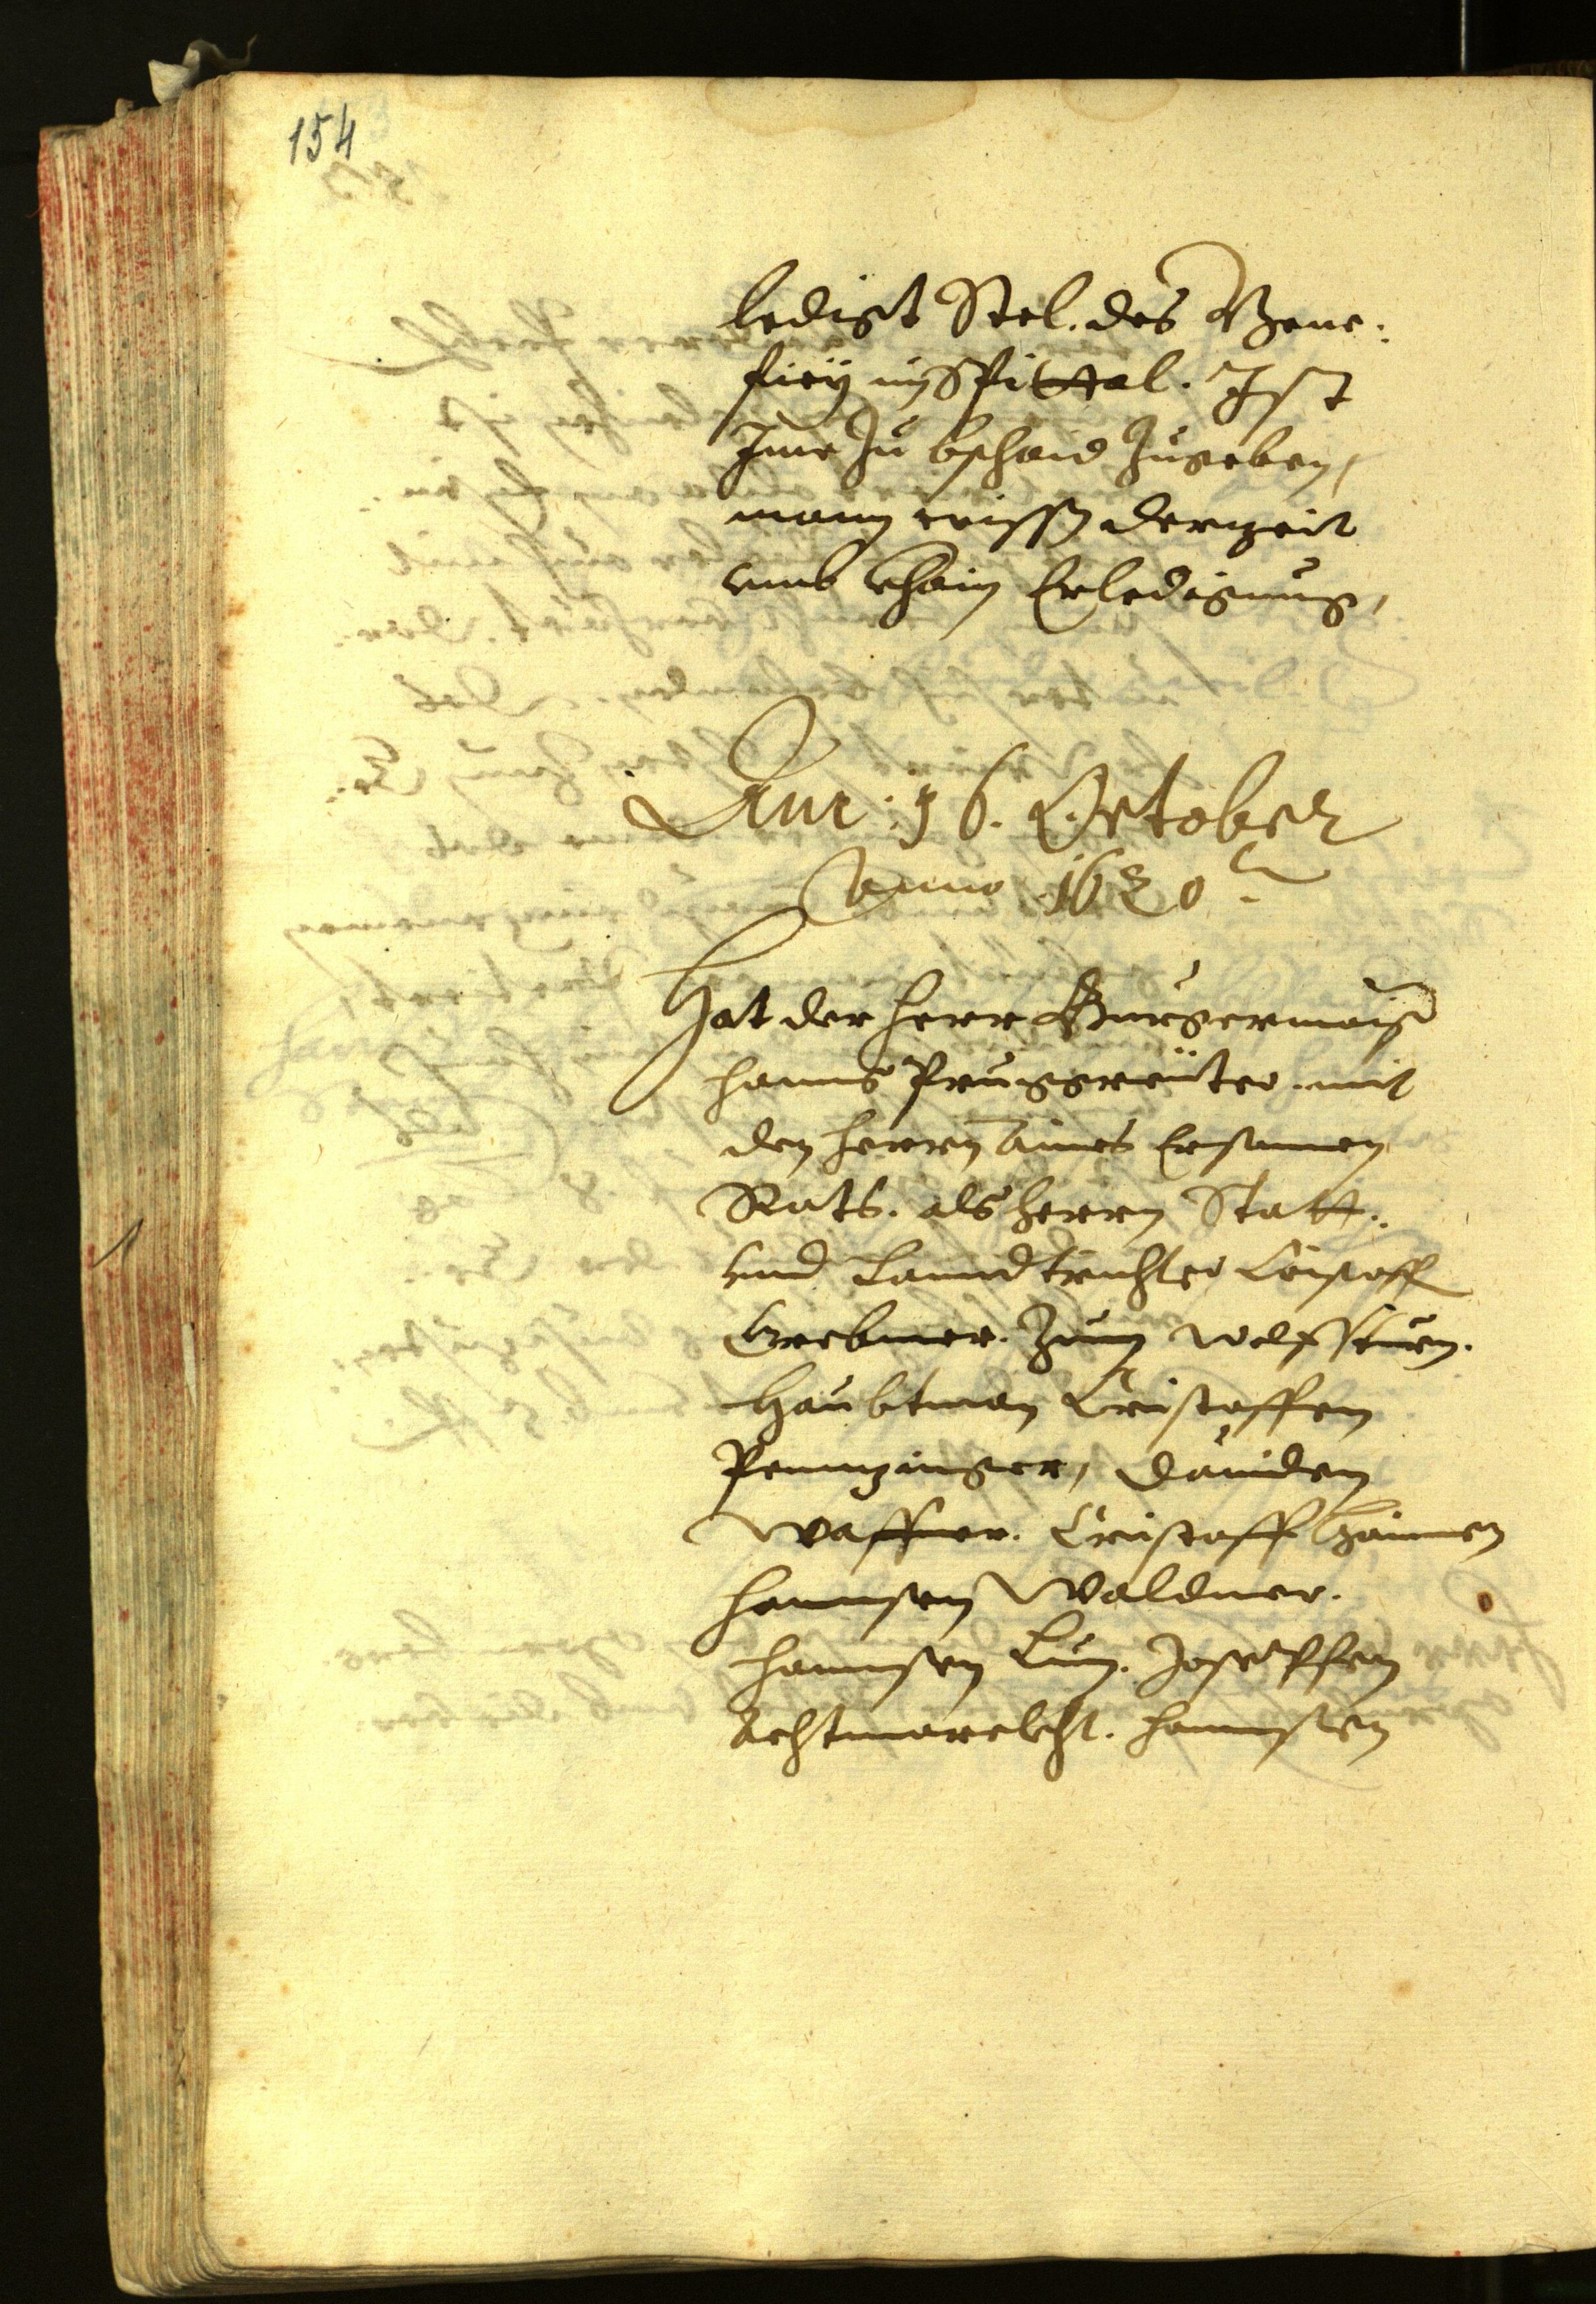154
ledigt Stel. des Bene¬
ficÿ im Spittal. Ist
Ime Zū bschaid Zūgeben,
mann wisß derzeit
vmb khain Erledigūng,
Am: 16. October
Anno 1620.t
Hat der herr Būrgermaist
Hanns Prūggreüter mit
den herrn Aines Ersamen
Rats. als herrn Statt¬
vnd Lanndtrichter Cristoff
Grebmer. Zūm Wolfstūrn.
Haūbtman Cristoffen
Pennzinger, Daūiden
Waffner. Cristoff Haimen,
hannsen Waldner.
hannsen Lūn. Joseffen
Achtmarckht. hannsen